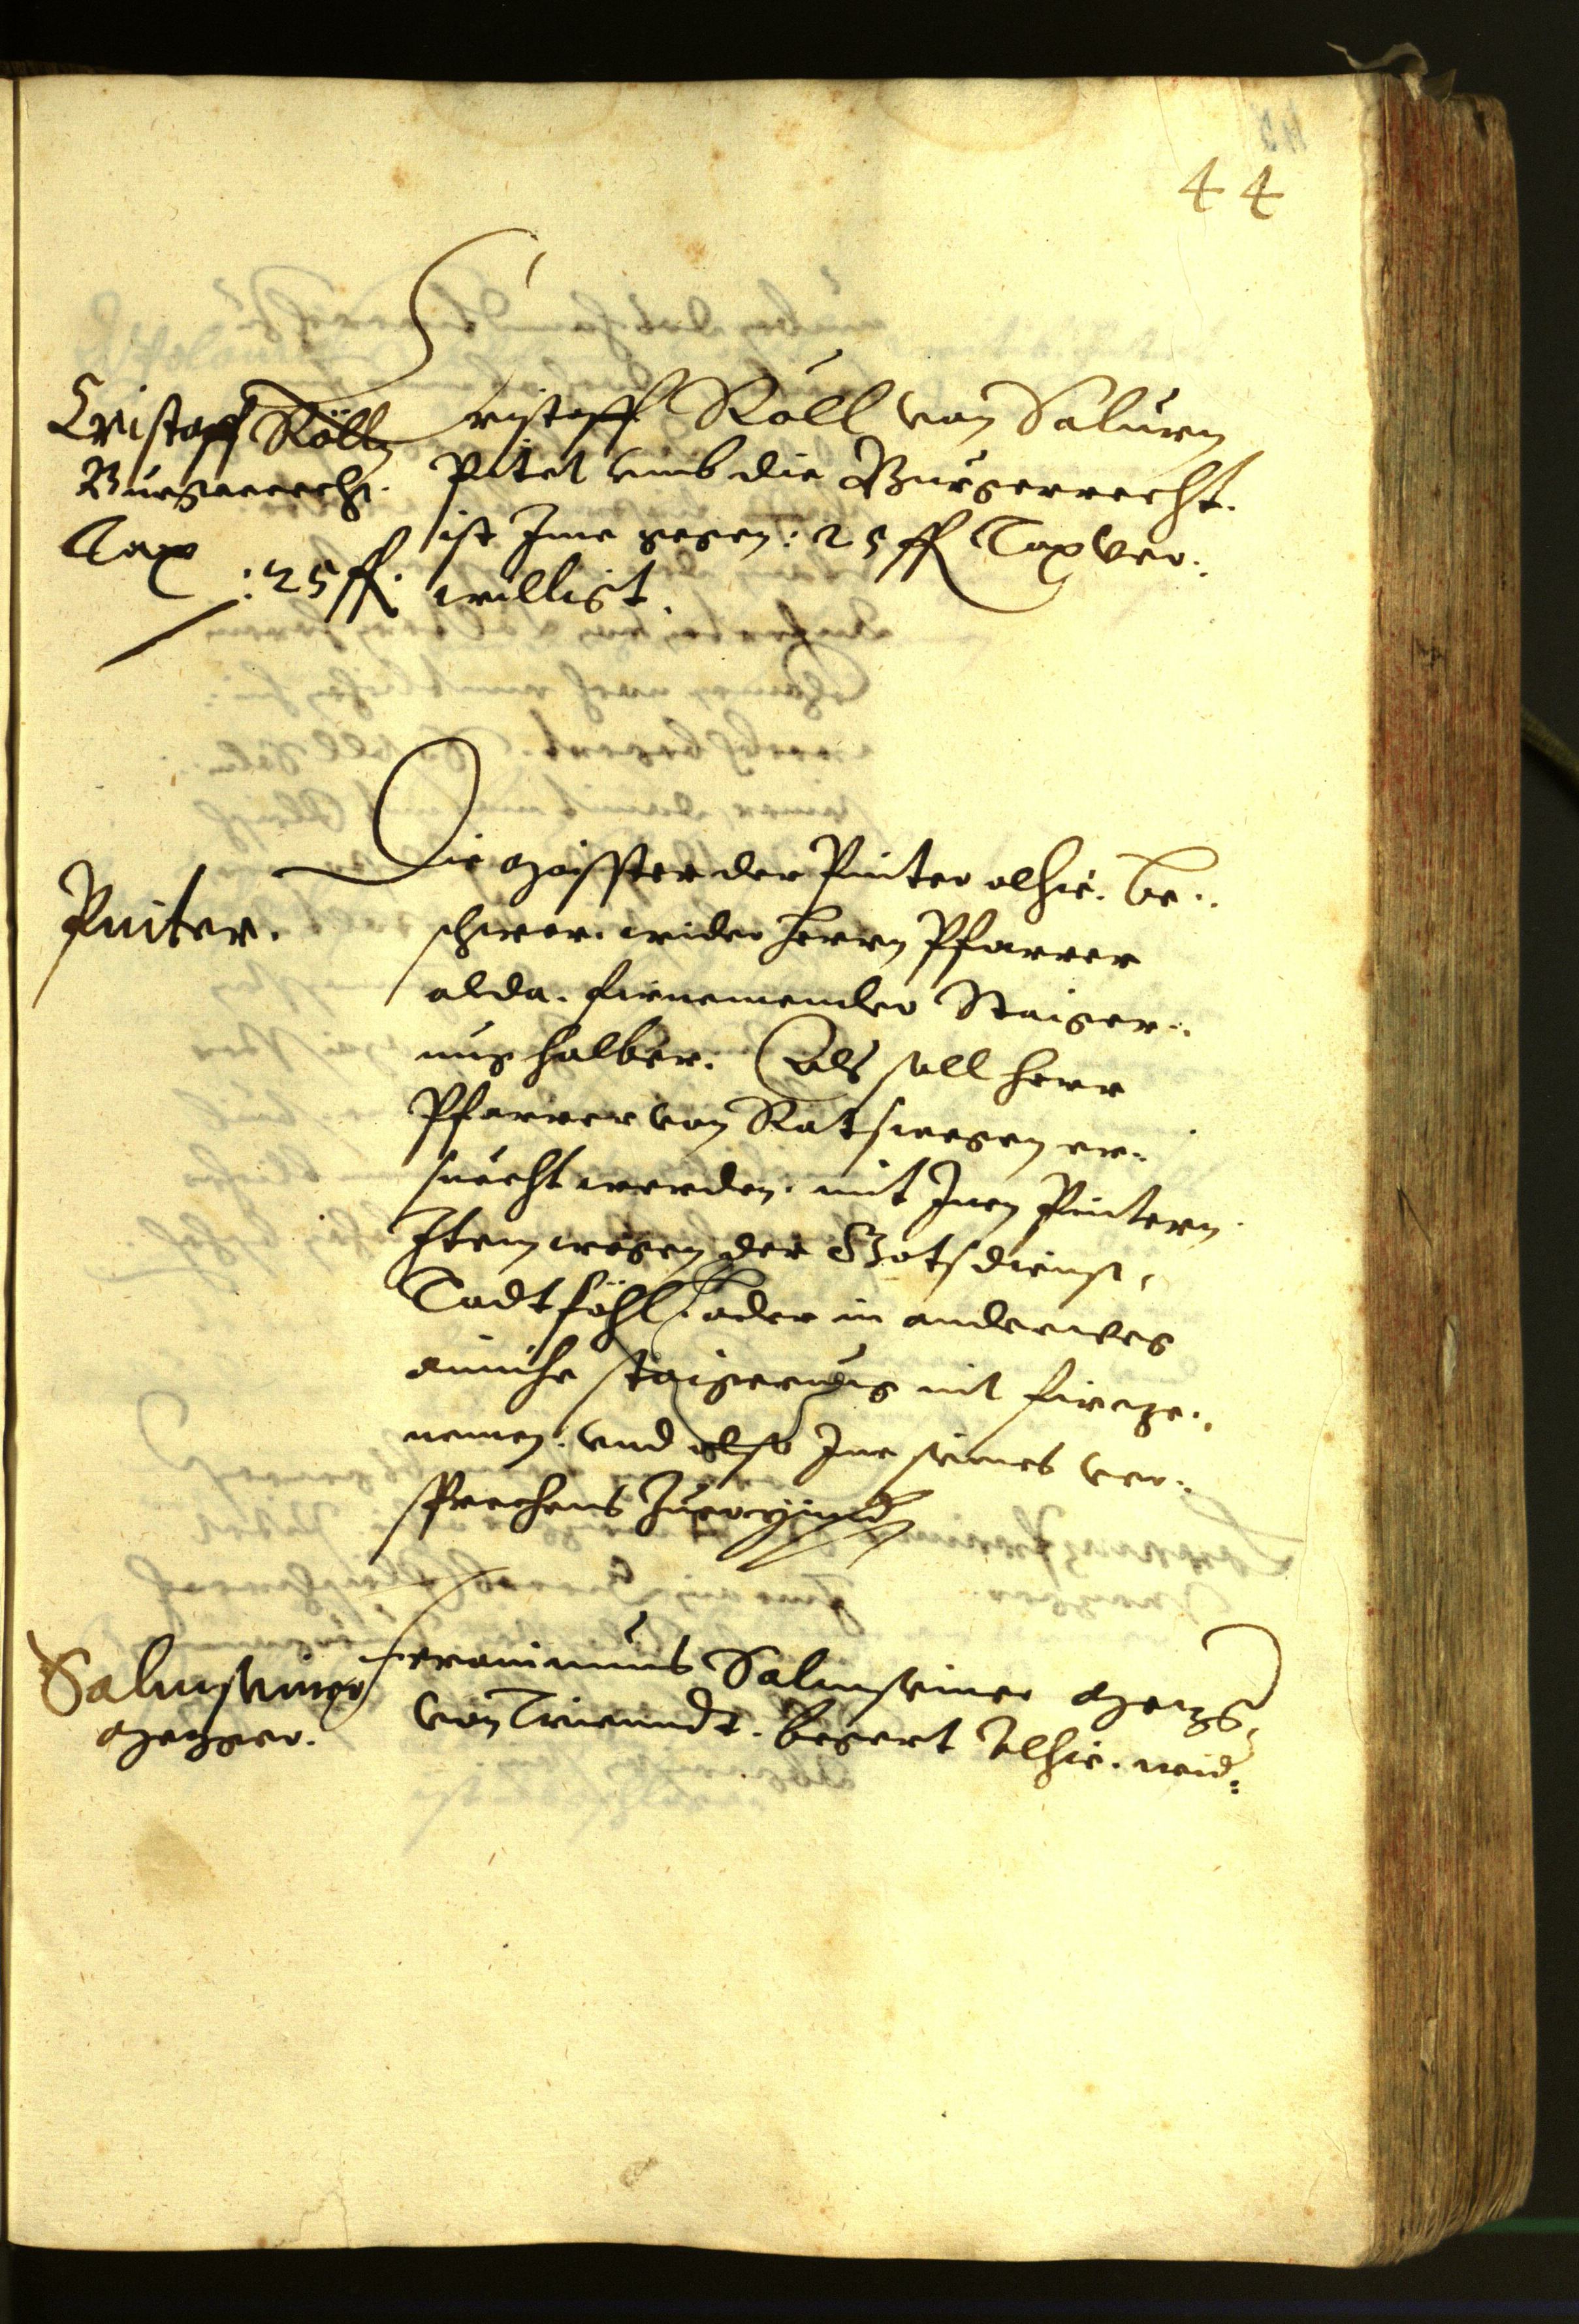44
Cristoff Kölln
Būrgerrecht.
Tax —: 25 fl.
Cristoff Kōll von Salūrn
Pitet umb die Būrgerrecht.
ist Ime gegen: 25 fl Tax ver¬
willigt.
Die Maisster der Pinter alhie. be¬
schwer. wider herrn Pfarrer
alda. firnemenden Staiger¬
ūng halber. Als soll herr
Pfarrer von Rats wegen er¬
sūecht werden. mit Inen Pintern
Item wegen des Gotsdienst,
Todtföhl. oder in anderweg
ainiche staigerūng nit firze¬
nemen. vnd also Ine seines ver¬
sprechens Zūerÿnnd.
Pinter.
Jeronimūs Salmsteiner Mezg,
von Trienndt. begert Alhie. wid¬
Salmsteiner
Mezger.